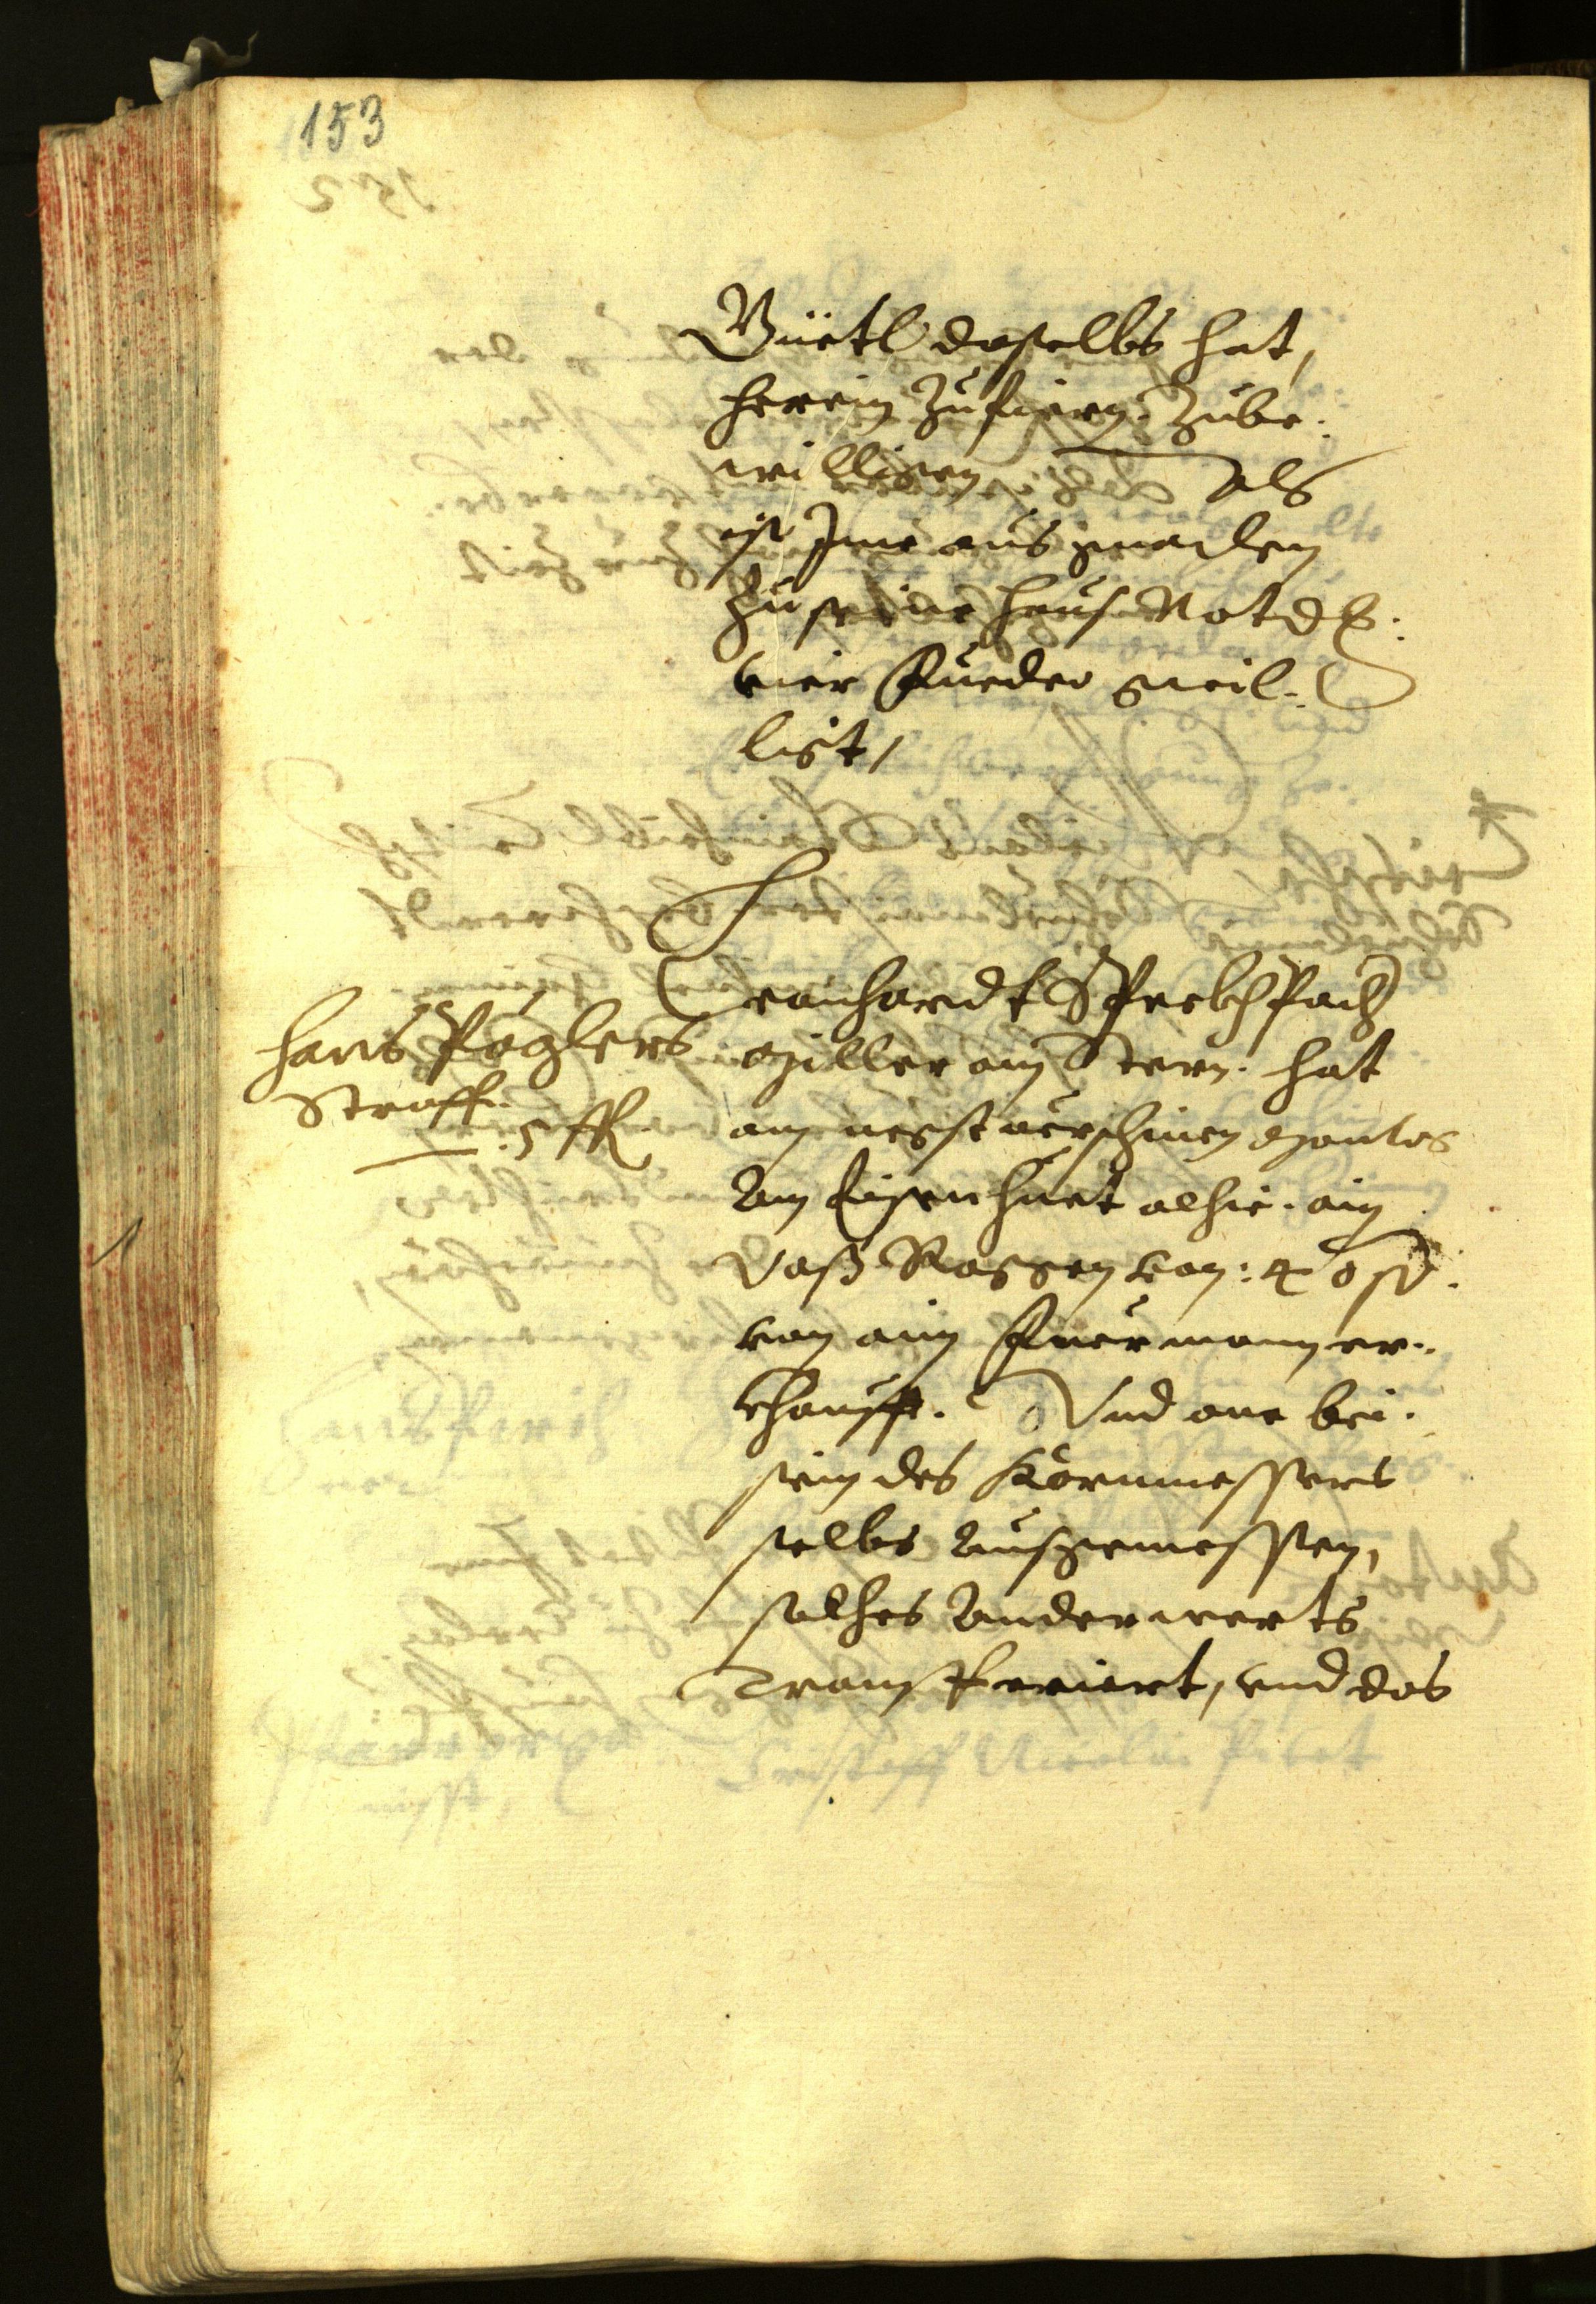153
Güetl daselbs hat,
herein Zū fiern. Zūbe¬
willigen. Als
ist Ime aūs gnaden
Zū seine haūs Notd:
vier Fūeder gwil¬
ligt.
Leonhardt SpeckhPach
Miller am Stern. hat
am negst ūerschinen Montag
Am Eisen hūet alhie. ain
Vaß Roggen von: 40 st.
von aim Fūermann er¬
khaūfft. Vnd one bei¬
sein des Kornmessers
selbs Aūsgemessen,
solhes Anderwerts
Transferiert, vnd das
hans Pōglers
Straff.
—. 5 fl.